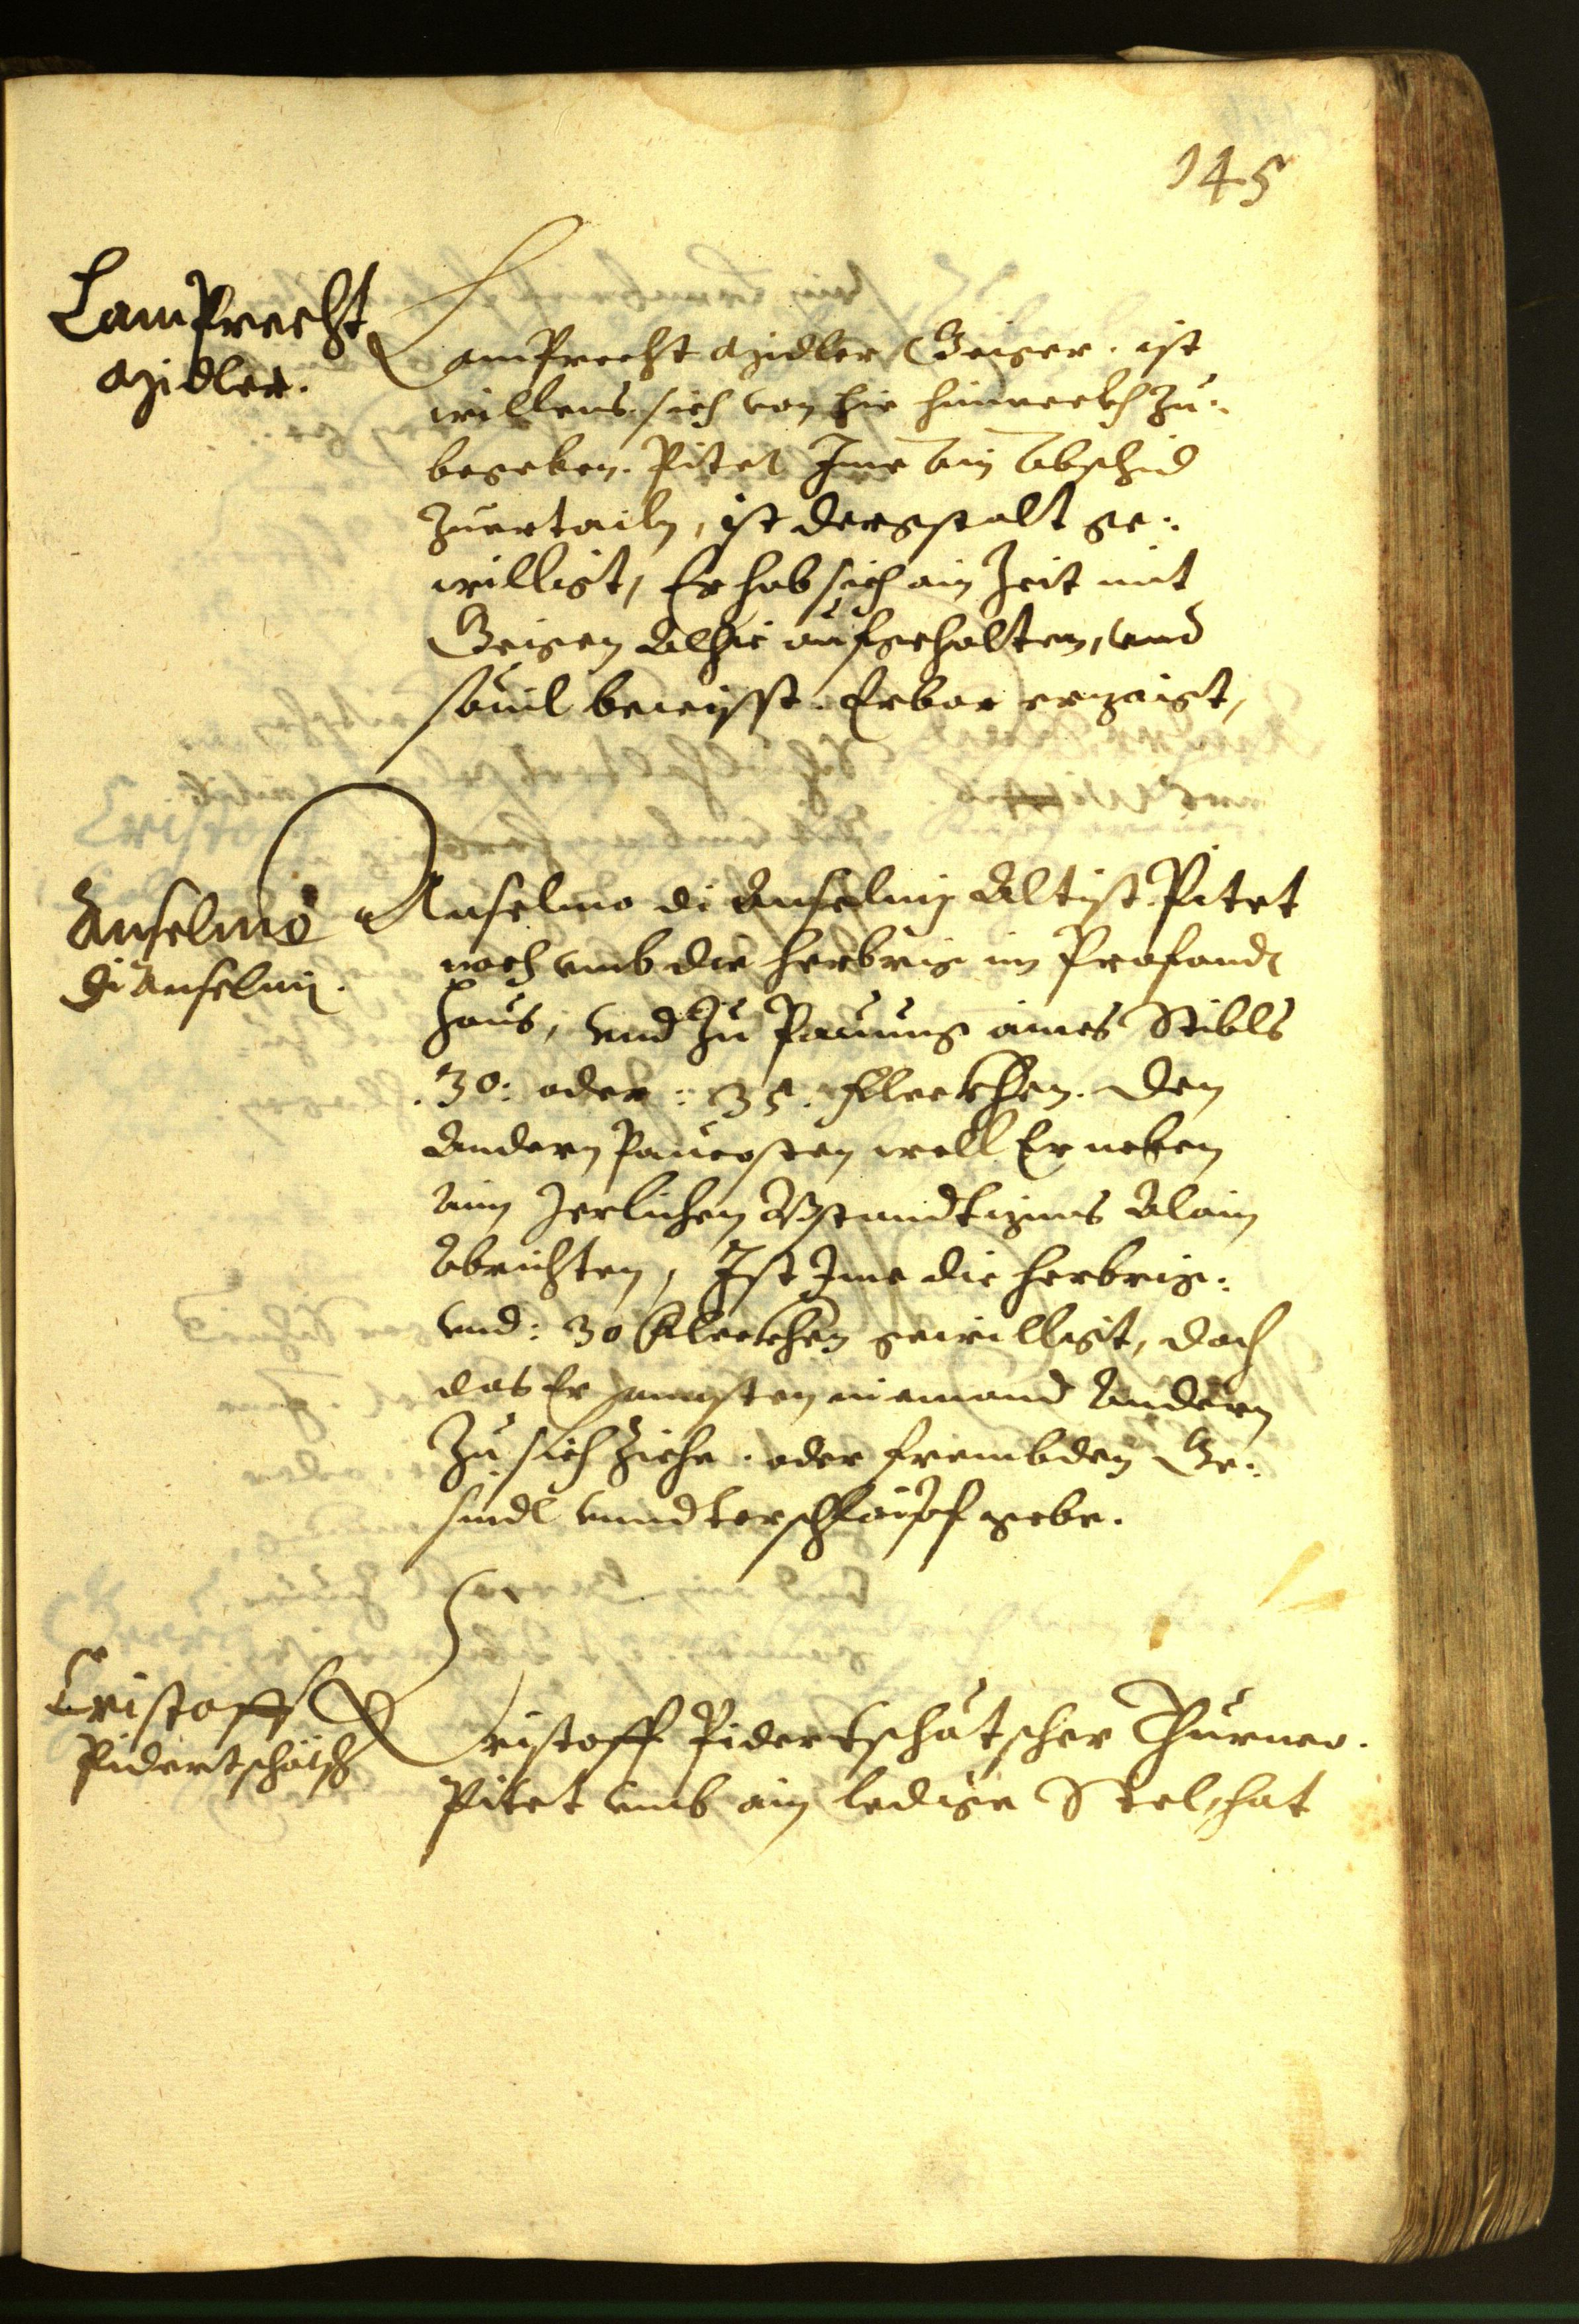145
LamPrecht Midler Geiger. ist
willens. sich von hie hinweckh Zū¬
begeben. Pitet Ime Ain Abschid
Zūertailn, ist dergstalt ge¬
willigt, Er hab sich ain Zeit mit
Geigen Alhie aūfgehalten, vnd
soūil bewisst. Erbar ertzaigt,
LamPrecht
Midler.
Anselmo di Anselmj Altist. Pitet
noch vmb die herbrig im Profandt
haūs, vnd Zū Paūūng aines Stibls
.30: oder: 35. fleckhen. den
Andern Paūcosten well Er neben
Aim Jerlichen Bstandtzins Alain
Abrichten, Ist Ime die herbrig¬
vnd: 30 fleckhen gewilligt, doch
das Er sonnsten niemand Andern
Zū sich ziehe. oder frembden Ge¬
sindl vnndterschlaipf gebe.
Anselmo
di Anselmj.
Cristoff Pidertschätscher Thūrner.
Pitet vmb ain ledige Stel, hat
Cristoff
Pidertschätsch